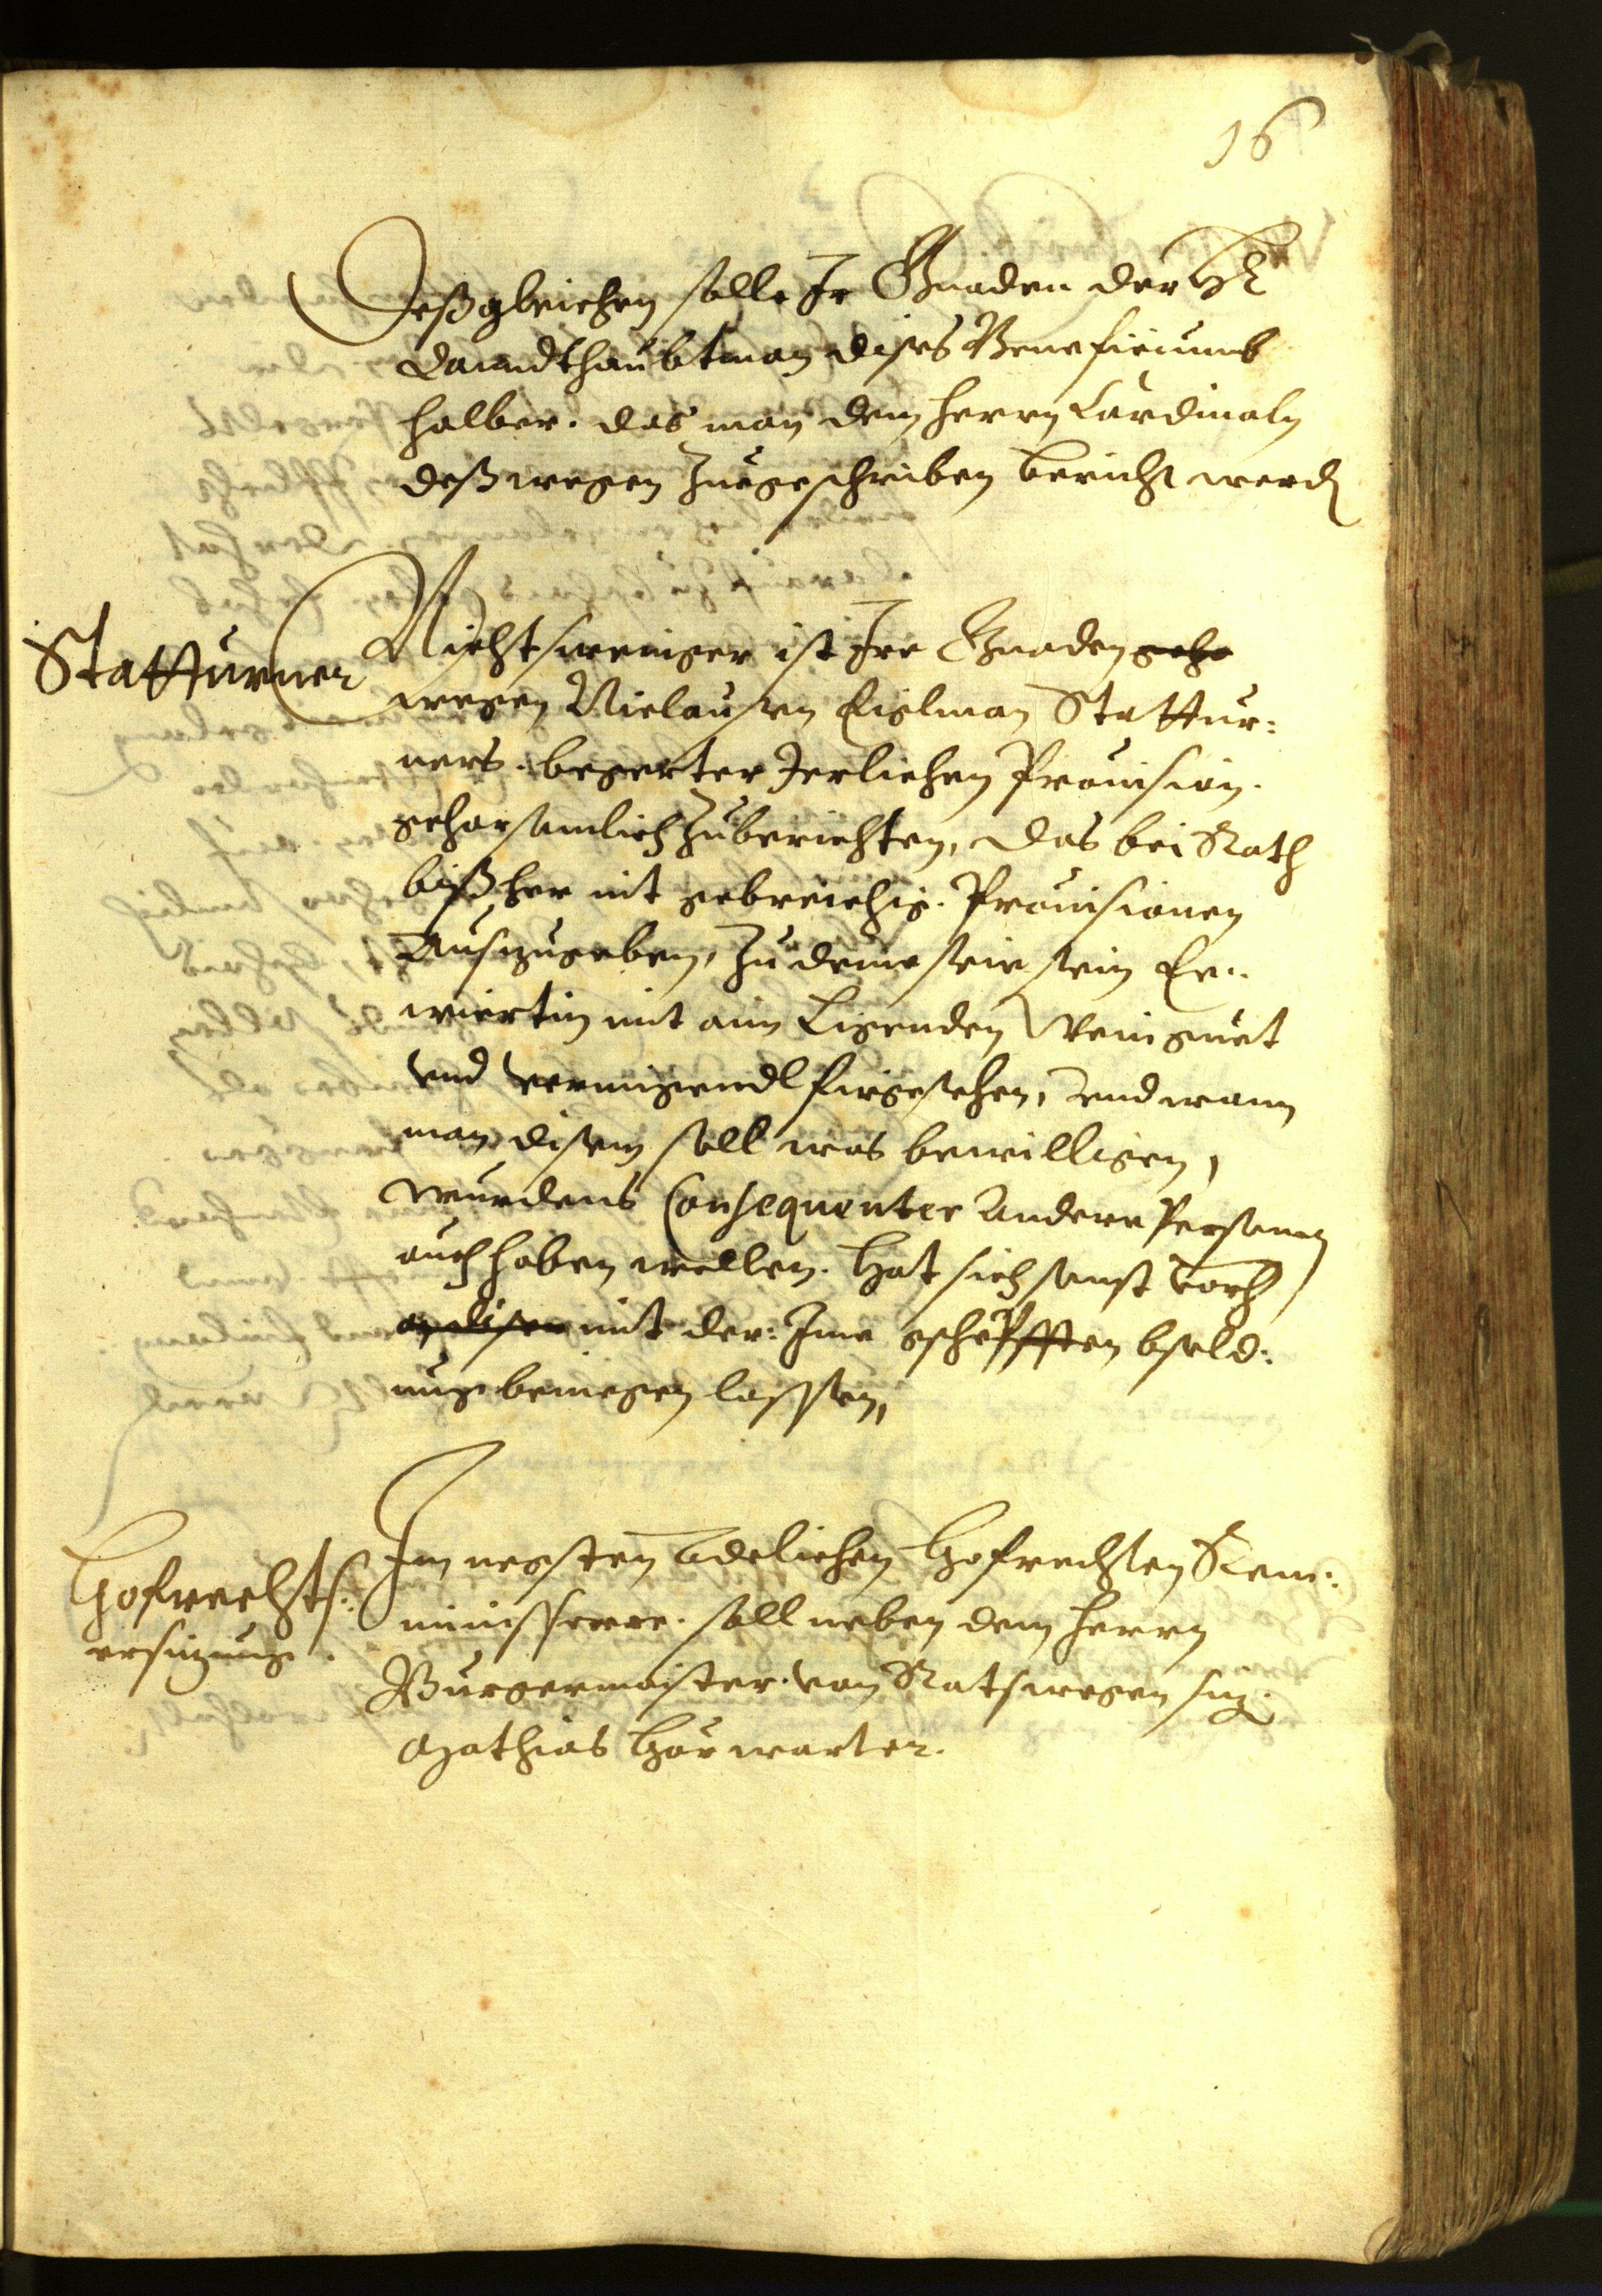Deßgleichen solle Ir Gnaden der H
Lanndthaūbtman dises Beneficiūmb
halber. das man dem herrn Cardinaln
deßwegen Zūgeschriben bericht werd
Nichts weniger ist Ire Gnaden geho
wegen Niclaūsen Eiglman Stattūr¬
ners. begerter Jerlichen Proūision.
gehorsamlich Zū berichten, das bei Rath
bissher nit gebreichig. Proūisionen
Aūszūgeben, Zū deme seie sein Ee¬
wirtin mit aim Ligenden Weingūet
vnd vermigend firgesehen, ūnnd wann
man disem soll was bewilligen,
wūrdens Consequenter Andern Personen
aūch haben wellen. Hat sich sonst Vorh
malisen mit der. Ime gschePfften besold¬
ūng beniegen lassen,
Stattūrner
Im negsten Adelichen Hofrechten Rem¬
minisserer. soll neben dem herrn
Būrgermaister. von Rats wegen siz
Mathias Hōrwarter.
Hofrechts¬
ersizūng.